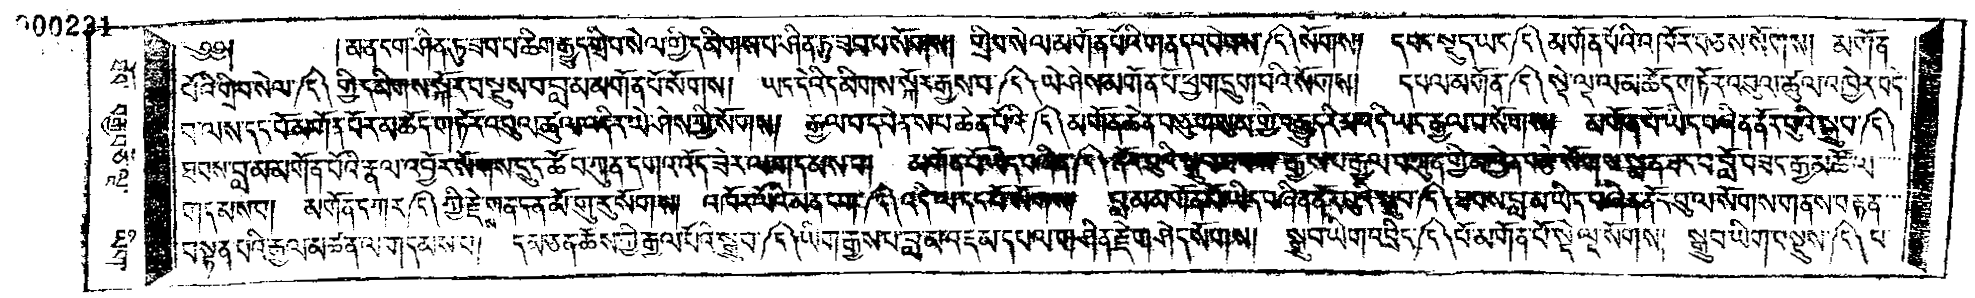༄༅། །མན་ངག་ཤིན་ཏུ་ཟབ་པ་ཆིག་རྒྱུད་གྲིབ་སེལ་གྱི་དམིགས་པ་ཤིན་ཏུ་ཟབ་པ་སོགས། གྲིབ་སེལ་མགོན་པོའི་གནད་འབེབས ༼ང༽ སོགས། དབང་སྡུད་ཡང ༼ད༽ མགོན་པོའི་འཁོར་བཅས་སོགས། མགོན་
པོའི་གྲིབ་སེལ ༼ང༽ གྱི་དམིགས་སྐོར་བསྡུས་པ་བླ་མ་མགོན་པོ་སོགས།ཀ་ཡང་དེའི་དམིགས་སྐོར་རྒྱས་པ ༼ད༽ ཡེ་ཤེས་མགོན་པོ་ཕྱག་དྲུག་པའི་སོགས། དཔལ་མགོན ༼ད༽ སེ་ལྔ་ལ་མཆོད་གཏོར་འབུལ་ཚུལ་འཁྱེར་བདེ་
བ་ལས་དང་པོ་མགོན་པོར་མཆོད་གཏོར་འབུལ་ཚུལ་འདིར་ཡེ་ཤེས་ཀྱི་སོགས། རྒྱལ་བ་བྤེན་ས་པ་ཆེན་པོའི ༼ད༽ མགོན་ཆེན་བཅུ་གསུམ་གྱི་བརྒྱུད་རིམ་འདི་ཡང་རྒྱལ་བ་སོགས། མགོན་པོ་ཡིད་བཞིན་ནོར་བུའི་སྒྲུབ ༼ད༽
ཐབས་བླ་མ་མགོན་པོའི་རྣལ་འབྱོར་སོགས་དྲུང་ཚོབ་ཀུན་དགའ་འོད་ཟེར་ལ་གདམས་པ། མགོན་པོ་ཡིད་བཞིན ༼ད༽ ནོར་བུའི་སྒྲུབ་ཐབས་རྒྱས་པ་རྒྱལ་བ་ཀུན་གྱི་མཁྱེན་བརྩེ་སོགས་སྨན་ཐར་བ་བློ་བཟང་རྒྱ་མཚོ་ལ་
གདམས་པ། མགོན་དཀར ༼ད༽ ཀྱི་རྗེས་གནང་ན་མོ་གུ་རུ་སོགས། འཁོར་ལོའི་མན་ངག ༼ད༽ འདི་ལ་དང་པོ་སོགས། བླ་མ་མགོན་པོ་ཡིད་བཞིན་ནོར་བུའི་སྒྲུབ ༼ད༽ ཐབས་བླ་མ་ཡིད་བཞིན་ནོར་བུ་ལ་སོགས་གནས་བརྟན་
བསྟན་པའི་རྒྱལ་མཚན་ལ་གདམས་པ། དམ་ཅན་ཆོས་ཀྱི་རྒྱལ་པོའི་སྒྲུབ ༼ང༽ ཡིག་རྒྱས་པ་བླ་མ་འཇམ་དཔལ་གཤིན་རྗེ་གཤེད་སོགས། སྲྒུབ་ཡིག་འབྲིང ༼ད༽ པོ་མགོན་པོ་སྡེ་ལྔ་སོགས། སྒྲུབ་ཡིག་བསྡུས ༼ད༽ པ་